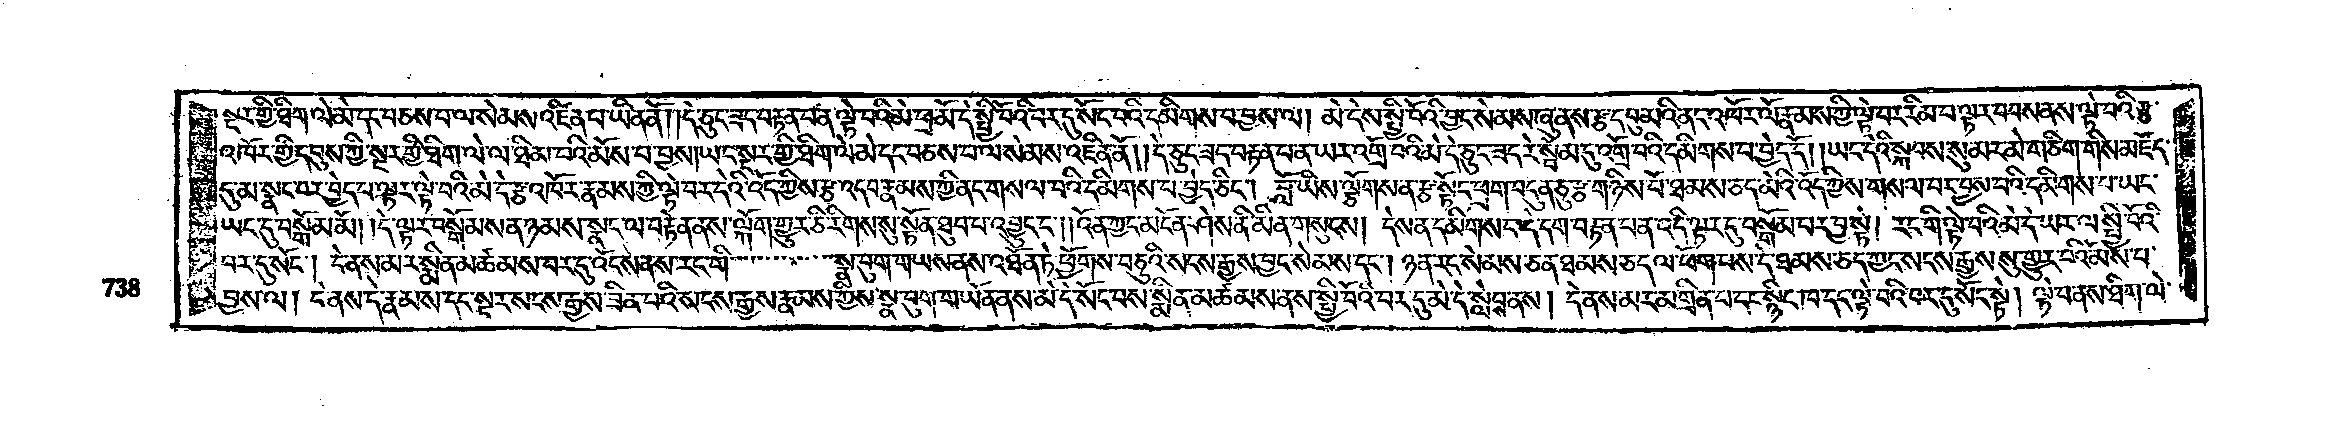སྔར་གྱི་ཐིག་ལེ་མེ་དང་བཅས་པ་ལ་སེམས་འཛིན་པ་ཡིན་ནོ། །དེ་ཅུང་ཟད་བརྟན་པ་ན་ལྟེ་བའི་མེ་ཕྲ་མོ་དེ་སྤྱི་བོའི་བར་དུ་སོང་བའི་དམིགས་པ་བྱས་ལ། མེ་དེས་སྤྱི་བོའི་བྱང་སེམས་ཞུ་ནས་རྩ་དབུ་མའི་ནང་འཁོར་ལོ་རྣམས་ཀྱི་ལྟེ་བར་རིམ་པ་ལྟར་བབས་ནས་ལྟེ་བའི་རྩ་
འཁོར་གྱི་དབུས་ཀྱི་སྔར་གྱི་ཐིག་ལེ་ལ་ཐིམ་པའི་མོས་པ་བྱས། ཡང་སྔར་གྱི་ཐིག་ལེ་མེ་དང་བཅས་པ་ལ་སེམས་འཛིན་ནོ། །དེ་ཅུང་ཟད་བརྟན་པ་ན་ཡར་འགྲོ་བའི་མེ་དེ་ཅུང་ཟད་རེ་སྦོམ་དུ་འགྲོ་བའི་དམིགས་པ་བྱེད་དོ། །ཡང་དེའི་སྐབས་སུ་མར་མེ་གཅིག་གིས་མཛེད་
དུ་མ་སྣང་བར་བྱེད་པ་ལྟར་ལྟེ་བའི་མེ་དེ་རྩ་འཁོར་རྣམས་ཀྱི་ལྟེ་བར་དེའི་འོད་ཀྱིས་རྩ་འདབ་རྣམས་ཀྱི་ནང་གསལ་བའི་དམིགས་པ་བྱེད་ཅིང་། བློ་ཡིས་ལྕོགས་ན་རྩ་སྟོང་ཕྲག་བདུན་ཅུ་རྩ་གཉིས་པོ་ཐམས་ཅད་མེའི་འོད་ཀྱིས་གསལ་བར་བྱས་པའི་དམིགས་པ་ཡང་
ཡང་དུ་བསྒོམ་མོ། །དེ་ལྟར་བསྒོམས་ན་ཉམས་སྣང་ལ་བརྟེན་ནས་ལྐོག་གྱུར་ཅི་རིགས་སུ་སྟོན་ཐུབ་པ་འབྱུང་ང་། །འོན་ཀྱང་མངོན་ཤེས་ནི་མིན་གསུངས། དེས་ན་དམིགས་པ་དེ་དག་བརྟན་པ་ན་འདི་ལྟར་དུ་བསྒོམ་པར་བྱ་སྟེ། རང་གི་ལྟེ་བའི་མེ་དེ་ཡར་ལ་སྤྱི་བོའི་
བར་དུ་སོང་། དེ་ནས་མར་སྨིན་མཚམས་བར་དུ་འོངས་ནས་རང་གི་སྣ་བུག་གཡས་ནས་འཐོན་ཏེ་ཕྱོགས་བཅུའི་སངས་རྒྱས་བྱང་སེམས་དང་། ཉན་རང་སེམས་ཅན་ཐམས་ཅད་ལ་ཕོག་པས་དེ་ཐམས་ཅད་ཀྱང་སངས་རྒྱས་སུ་གྱུར་པའི་མོས་པ་
བྱས་ལ། དེ་ནས་དེ་རྣམས་དང་སྔར་སངས་རྒྱས་ཟིན་པའི་སངས་རྒྱས་རྣམས་ཀྱིས་སྣ་བུག་གཡོན་ནས་མེ་དེ་སོང་བས་སྨིན་མཚམས་ནས་སྤྱི་བོའི་བར་དུ་མེ་དེ་སླེབས་ནས། དེ་ནས་མར་མགྲིན་པ་དང་སྙིང་ཁ་དང་ལྟེ་བའི་བར་དུ་སོང་སྟེ། ལྟེ་བ་ནས་ཐིག་ལེ་